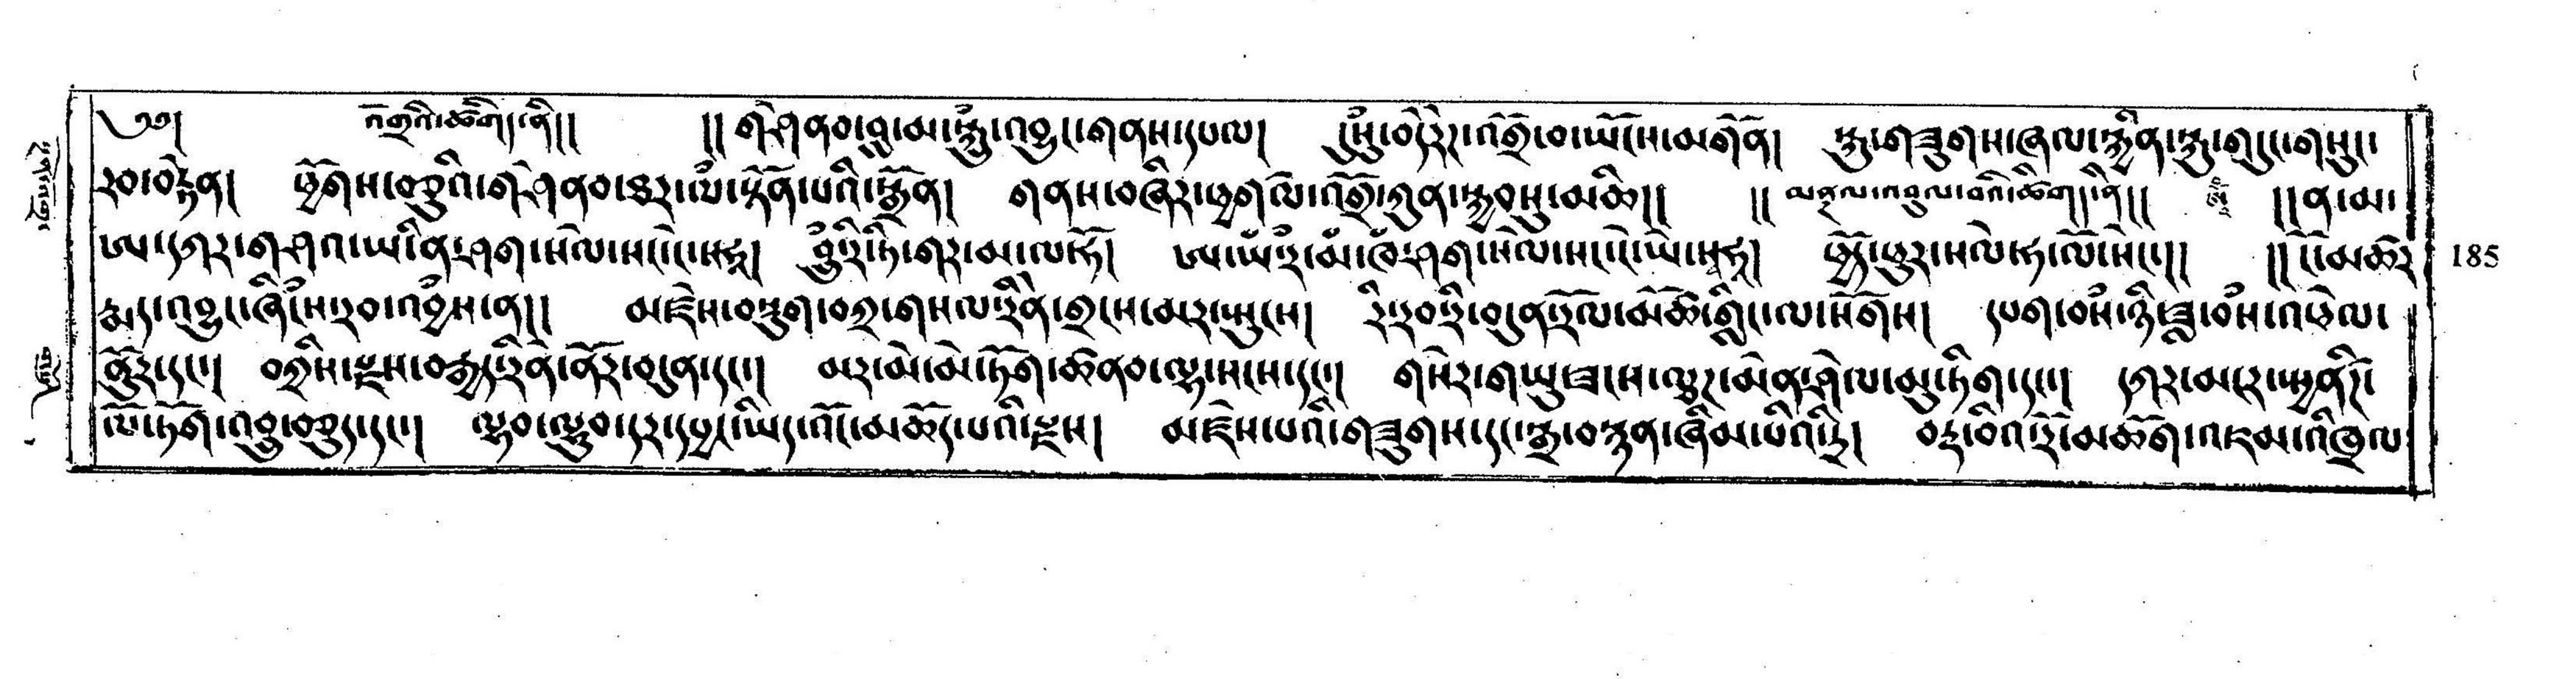འགྲོའི་ཚིག་བཤད་ནི།། །།གཤེན་རབ་བླ་མ་སྐུ་གསུམ་འབྱུང་གནས་དཔལ། དུས་གསུམ་བདེར་གཤེགས་འགྲོ་བ་ཡོངས་ཀྱི་མགོན། སྐུ་གཟུགས་ཞལ་སྐྱིན་སྐུ་གདུང་གསུང་
རབ་རྟེན། ཕྱོགས་བཅུའི་གཤེན་རབ་ཐར་ལམ་སྟོན་པའི་སྒྲོན། གནས་བཞིར་ཕྱག་འཚལ་འགྲོ་ཀུན་སྐྱབས་སུ་མཆི།། མཎྜལ་འབུལ་བའི་ཚིག་བཤད་ནི།། ཨཱོཾ །།ན་མ་
ཨ་དཀར་གཤའ་ཡ་ནི་ཤག་སལེ་སང་ངེ་སཧཱ། བྲུཾ་རི་ཏི་གར་མ་ལ་ཧོ། ཨ་ཡཾ་རཾ་མཾ་ཁཾ་ཤག་སལེ་སང་ངེ་ཡེ་སྭཧཱ། ཕྱོད་ཕུར་སལེ་ཧ་ལོ་སེང་།། །།ངོ་མཚར་
རྨད་འབྱུང་ཞིང་ཁམས་རབ་འབྱམས་ན།། མཛེས་བསྡུག་བཀྲ་གསལ་རིན་ཆེན་གྲངས་མར་སྤུངས། རི་རབ་རི་བདུན་རོལ་མཚོ་གླིང་ལ་སོགས། དཔག་བསམ་ཉི་ཟླ་བསམ་འཕེལ་
ནོར་བུ་དང་། བཀྲ་ཤིས་རྫས་བརྒྱད་རིན་ཆེན་ནོར་བདུན་དང་། མར་མེ་མེ་ཏོག་ཚན་ཆབ་ལྷ་སངས་དང་། གསེར་གཡུ་ཟངས་ལྕགས་མེན་ཤེལ་མུ་ཏིག་དང་། དཀར་མངར་སྤྱན་གཟིགས་
ལོ་ཏོག་འབྲུ་བཅུད་དང་། ལྷབ་ལྷུབ་དར་དཔྱང་ཡིད་འོང་མཆོད་པའི་རྫས། མཛེས་པའི་གཟུགས་དང་སྒྲ་སྙན་ཞིམ་པའི་དྲི། བརྡ་བའི་རོ་མཆོག་འཇམ་འཁྲིལ་